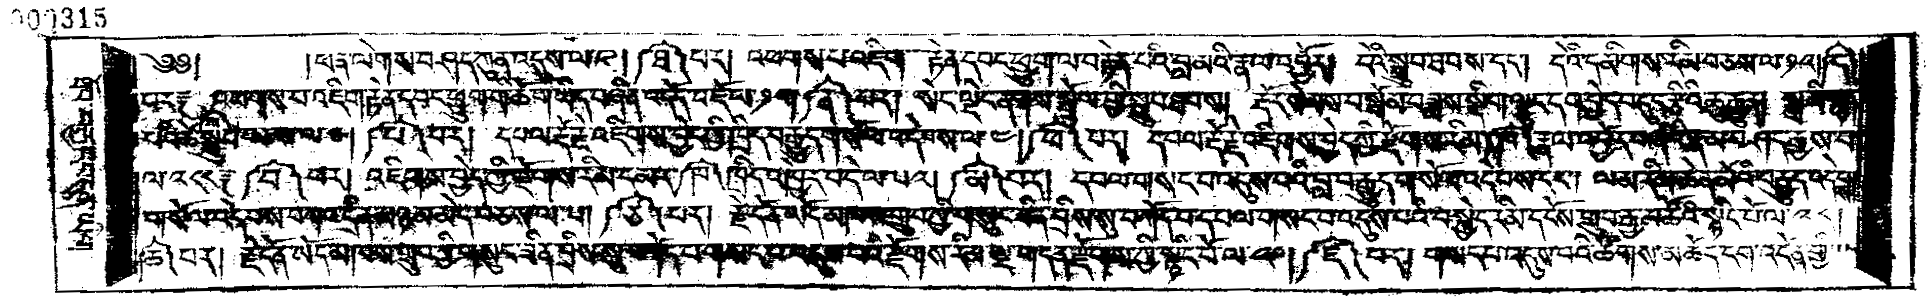༄༅། །ཕན་ལེགས་བཤད་ཀུན་འདུས་ལ ༩། ༼ཐ༽ པར། འཕགས་པ་འཇིག་རྟེན་དབང་ཕྱུག་ལ་བརྟེན་པའི་བླ་མའི་རྣལ་འབྱོར། དེའི་སྒྲུབ་ཐབས་དང་། དེའི་དམིགས་རིམ་བཅས་ལ ༡༢། ༼ད༽
པར༑ འཕགས་པ་འཇིག་རྟེན་དབང་ཕྱུག་གི་ཆོ་ག་ཡིད་བཞིན་འདོད་འཇོ་ལ ༡༢། ༼ན༽ པར། སེང་ལྡེང་ནགས་སྒྲོལ་གྱི་སྒྲུབ་ཐབས། རྡོར་སེམས་བསྒོམ་བཟླས་སྡིག་ལྟུང་དག་བྱེད་བདུད་རྩིའི་ཆུ་རྒྱུན། སྒྲ་མི་སྙན་
པའི་ཚེ་སྒྲུབ་བཅས་ལ ༦། ༼པ༽ པར། དཔལ་རྡོ་རྗེ་འཇིགས་བྱེད་ཀྱི་ཁྲིད་བརྒྱུད་གསོལ་འདེབས་ལ ༤། ༼ཕ༽ པར། དཔལ་རྡོ་རྗེ་འཇིགས་བྱེད་ཀྱི་རྫོགས་རིམ ༼ཁ༽ རྣལ་འབྱོར་བཞིའི་རྣམ་བཤད་རྒྱས་པ་
ལ ༢༨༨༑ ༈ ༼བ༽ པར། འཇིགས་བྱེད་ཀྱི་རྫོགས་རིམ་དམར ༼ཁ༽ ཁྲིད་འཁྱེར་བདེ་ལ ༥༢། ༼མ༽ པར། དཔལ་གསང་བ་འདུས་པའི་བླ་བརྒྱུད་གསོལ་འདེབས་དང་། ལམ་རིམ་ཆེན་མོའི་བརྒྱུད་འདེབས།
གསོལ་འདེབས་བཀའ་དྲིན་མཉམ་མེད་བཅས་ལ ༥། ༼ཙ༽ པར། རྗེ་དོན་ཡོད་མཁས་གྲུབ་ཀྱི་གསུང་ཟིན་བྲིས་སུ་བཀོད་པ་དཔལ་གསང་བ་འདུས་པའི་བསྐྱེད་རིམ་དངོས་གྲུབ་རྒྱ་མཚོའི་སྙིང་པོ་ལ ༢༨།
༼ཆ༽ པར། རྗེ་དོན་ཡོད་མཁས་གྲུབ་ཀྱི་གསུང་ཟིན་བྲིས་སུ་བཀོད་པ་གསང་པ་འདུས་པའི་རྫོགས་རིམ་ལྔ་གདན་རྫོགས་ཀྱི་སྙིང་པོ་ལ ༢༠། ༼ཛ༽ པར། གསང་པ་འདུས་པའི་ཚོགས་མཆོད་ངག་འདོན་གྱི་